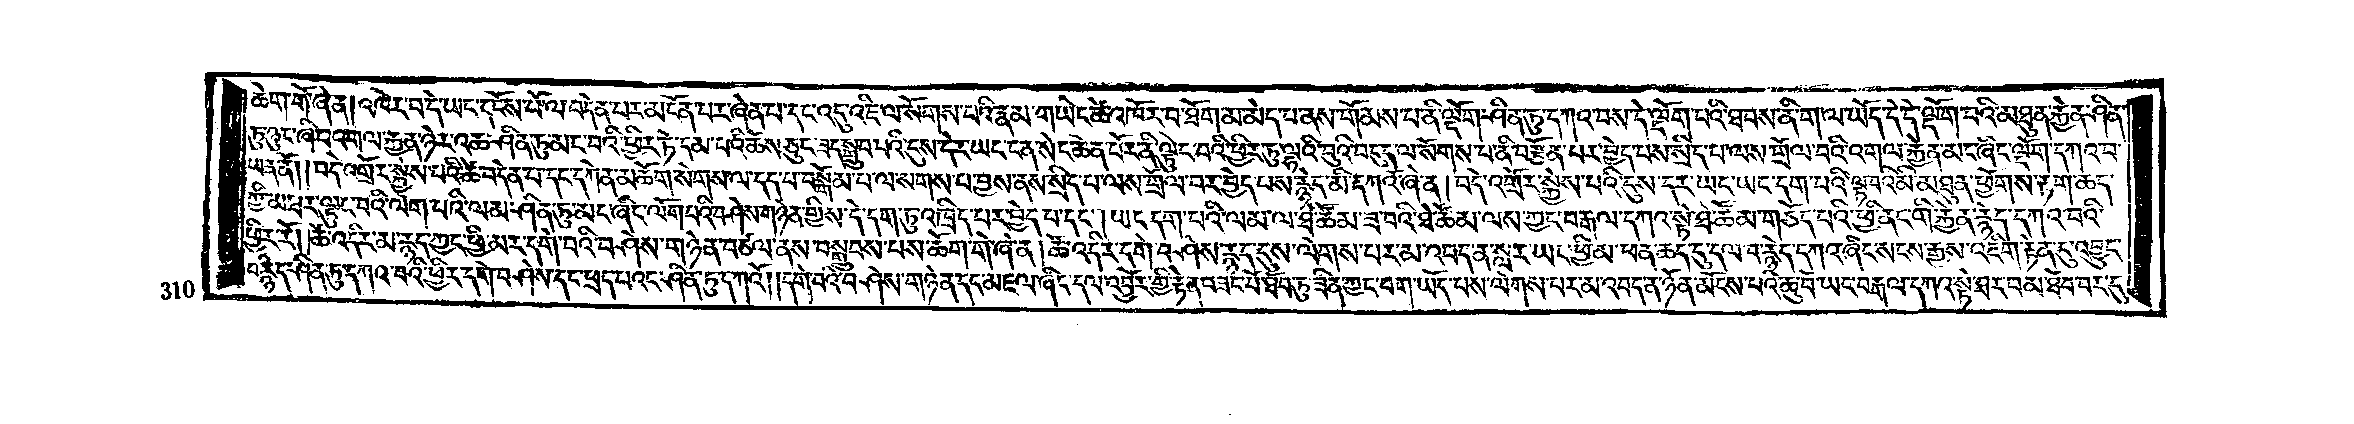ཆོག་གོ་ཞེ་ན། འཁོར་བ་དེ་ཡང་དངོས་པོ་ལ་བདེན་པར་མངོན་པར་ཞེན་པ་དང་འདུ་འཛི་ལ་སོགས་པའི་རྣམ་གཡེང་ཚེ་འཁོར་བ་ཐོག་མ་མེད་པ་ནས་གོམས་པ་ནི་ལྡོག་ཤིན་ཏུ་དཀའ་བས་དེ་ལྡོག་པའི་ཐབས་ནི་ག་ལ་ཡོད་དེ་དེ་ལྡོག་པའི་མཐུན་རྐྱེན་ཤིན་
ཏུ་ཉུང་ཞི་བ་འགལ་རྐྱན་ཉེར་འཚོ?་ཤིན་ཏུ་མང་བའི་ཕྱིར་ཏེ་དམ་པའི་ཆོས་ཅུང་ཟད་སྒྲུབ་པའི་དུས་དེར་ཡང་ངན་སེང་ཆེན་པོར་ནི་ལྟུང་བའི་ཕྱིར་ཏུ་ལྷའི་བུའི་བདུད་ལ་སོགས་པ་ནི་བརྩོན་པར་བྱེད་པས་སྲིད་པ་ལས་གྲོལ་བའི་འགལ་རྐྱེན་མང་ཞིང་ལྡོག་དཀའ་བ་
ཡན་ནོ། །བདེ་འགྲོར་སྐྱེས་པའི་ཚེ་བདེན་པ་དང་དཀོན་མཆོག་སོགས་ལ་དད་པ་བསྒོམ་པ་ལ་སོགས་པ་བྱས་ནས་སྲིད་པ་ལས་གྲོལ་བར་བྱེད་པས་རྙེད་མི་དཀའོ་ཞེ་ན། བདེ་འགྲོར་སྐྱེས་པའི་དུས་དར་ཡང་ཡང་དག་པའི་ལྟ་བའི་མི་མཐུན་ཕྱོགས་རྟག་ཆད་
ཀྱི་མཐར་ལྟུང་བའི་ལག་པའི་ལམ་ཤིན་ཏུ་མང་ཞིང་ལོག་པའི་བཤེས་གཉེན་གྱིས་དེ་དག་ཏུ་འཁྲིད་པར་བྱེད་པ་དང་། ཡང་དག་པའི་ལམ་ལ་ཐེ་ཚོམ་ཟ་བའི་ཐེ་ཚོམ་ལས་ཀྱང་བརྒལ་དཀའ་སྟེ་ཐེ་ཚོམ་གཅོད་པའི་ཕྱི་ནང་གི་རྐྱེན་རྙེད་དཀའ་བའི་
ཕྱིར་རོ། །ཚེ་འདིར་མ་རྙད་ཀྱང་ཕྱི་མར་དགེ་བའི་བཤེས་གཉེན་བཙལ་ནས་བསྒྲུབས་པས་ཆོག་གི་ཞེ་ན། ཚེ་འདིར་དགེ་བཤེས་རྙད་དུས་ལེགས་པར་མ་འབད་ན་སླར་ཡང་ཕྱི་མ་ཕན་ཆད་དུ་དལ་བ་རྙེད་དཀའ་ཞིང་སངས་རྒྱས་འཇིག་རྟེན་དུ་འབྱུང་
བརྙེད་ཤིན་ཏུ་དཀའ་བའི་ཕྱིར་དགེ་བཤེས་དང་ཕྲད་པའང་ཤིན་ཏུ་དཀའོ། །དགེ་བའི་བཤེས་གཉེད་དང་མཇལ་ཞིང་དལ་འབྱོར་གྱི་རྟེན་བཟང་པོ་ཐོབ་ཏུ་ཞིན་ཀྱང་བག་ཡོད་པས་ལེགས་པར་མ་འབད་ན་ཉོན་མོངས་པའི་ཚུ་བོ་ཡང་བརྒལ་དཀའ་སྟེ་ཐར་པ་མ་ཐོབ་བར་དུ་